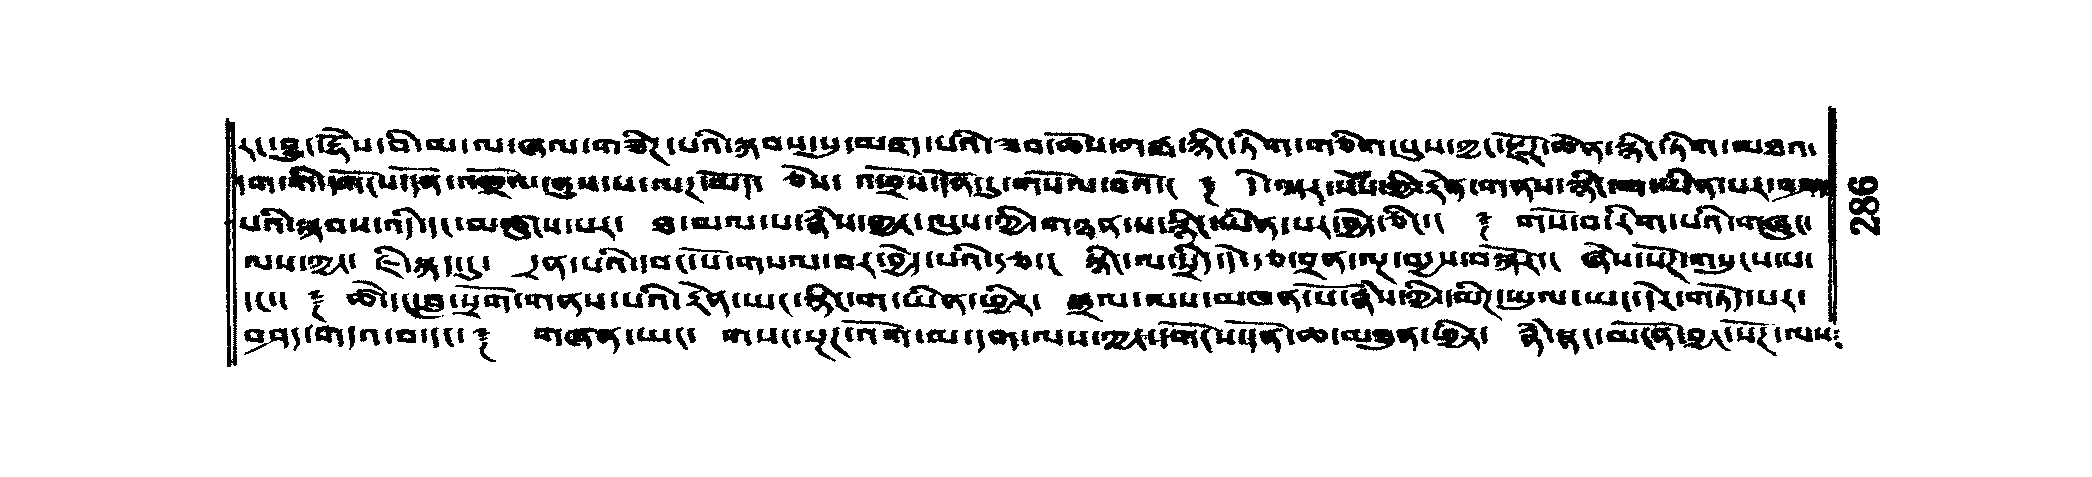རང་བྱུང་རྡོ་རྗེས་བི་མ་ལ་ཞལ་གཟིགས་པའི་སྐབས་སུ་མཛད་པའི་ཟབ་ཆོས་ཀརྨ་སྙིང་ཏིག་གཅིག་པུས་ཀྱང་རྫོགས་ཆེན་སྙིང་ཏིག་མཐའ་
དག་གི་དངོས་དོན་འཁྲོལ་ནུས་པ་ལགས་མོད། ཅེས་འཕྲོས་དོན་དུ་གསོལ་བའོ། ༈ དེ་ལྟར་སེམས་ཀྱི་རྟེན་གནས་སྙིང་ག་ཡིན་པར་བཤད་
པའི་སྐབས་འདི་དང་མཚུངས་པར། ཐ་མལ་པ་རྣམས་ཀྱང་ལུས་ཀྱི་གཉན་ས་སྙིང་ཡིན་པར་བྱེད་ཅིང་། གསོ་བ་རིག་པའི་གཞུང་
ལས་ཀྱང་། ཇི་སྐད་དུ། དྲན་པའི་དབང་པོ་གསལ་བར་བྱེད་པའི་རྩ། །སྙིང་ལ་སྲིད་དེ་རྩ་བྲན་ལྔ་བརྒྱས་བསྐོར། ཞེས་སོགས་གསུངས་པ་
ལས་ཀྱང་། ཚེ་དང་བླ་སྲོག་གནས་པའི་རྟེན་ཡང་སྙིང་ག་ཡིན་ཕྱིར། སྒྲལ་ལས་མཁན་པོ་རྣམས་ཀྱི་དམིགས་ཡུལ་ཡང་དེར་གཏོད་པར་
བཤད་གདའ་བ་དང་། གཞན་ཡང་། གསང་སྔགས་འོག་མ་དག་ལས་ཀྱང་དགོངས་དོན་ཆ་མཐུན་ཕྱིར། རྣམ་སྣང་མངོན་བྱང་སོགས་ལས་